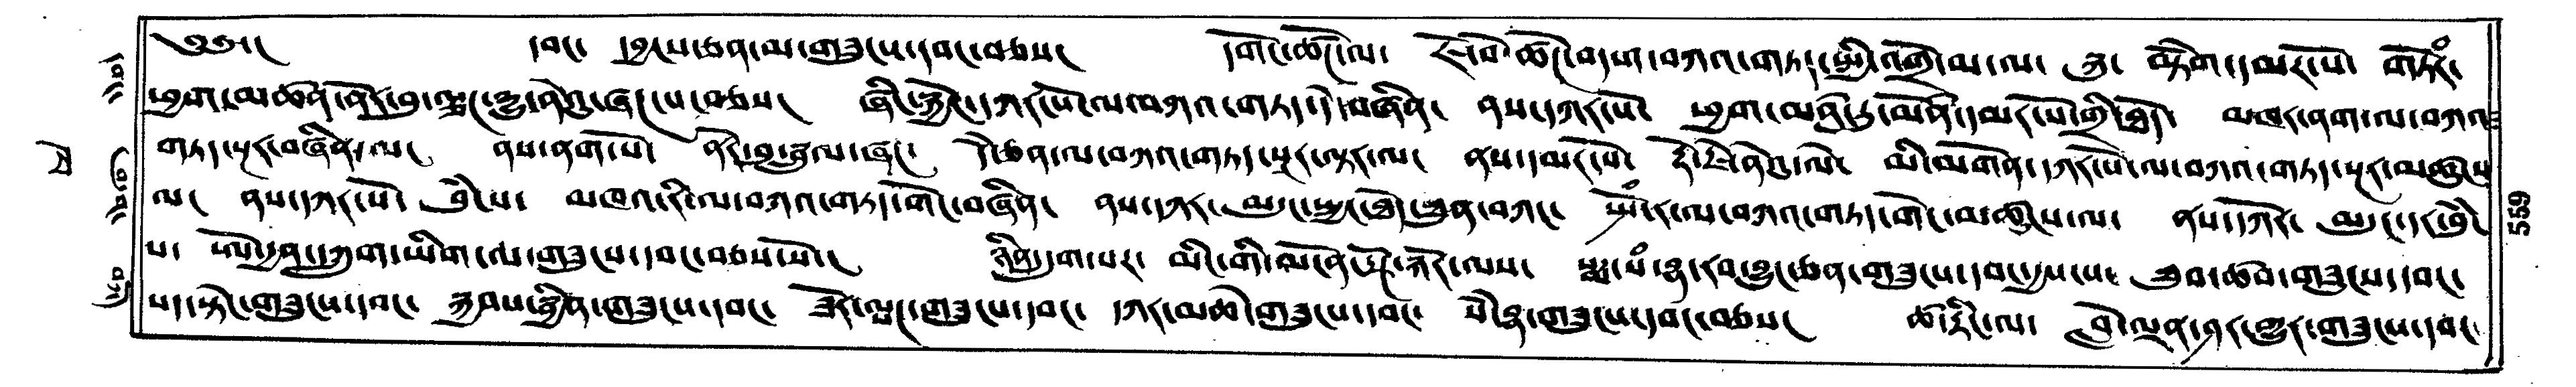དབང་། དབྱངས་ཅན་མ་གཟུངས་དབང་བཅས། དགོང་ཚོགས་ལ། ཇོ་བོ་ཚོགས་བདག་བཀའ་གཏད་སྤྱི་འགྲོ་མ་ལ། སྐུ། མེ་ཏོག་དམར་པོ། གཏོར་མ། 
ཕྱག་མཚན་ནོར་བུ་ལྕགས་ཀྱུ་ནེའུ་ལི་ཞགས་པ་བཅས། ཞིང་སྐྱོང་དཀར་པོ་ལ་བཀའ་གཏད་དེ་བཞིན། ནས་དཀར་པོ། ཕྱག་མཚན་རུ་མཚོན་དམར་པོ། གྲི་ཐོད། མཁར་ནག་ལ་བཀའ་
གཏད་སྔར་བཞིན་ལ། ནས་ནག་པོ། ནོར་བུ་སྦྲུལ་ཞགས། དམ་ཅན་ལ་བཀའ་གཏད་སྔར་ལྟར་ལ། ནས་དམར་པོ། རྡོ་རྗེ་ནེའུ་ལེ། མི་མགོན་དཀར་པོ་ལ་བཀའ་གཏད་སྔར་མཚུངས་
ལ། ནས་དཀར་པོ། བུམ་པ། མཁའ་རི་ལ་བཀའ་གཏད་གོང་བཞིན། ནས་དཀར། མདུང་། སྤྱང་ཐོད་ཐུན་བཀང་། སྤོ་མ་ར་ལ་བཀའ་གཏད་གོང་མཚུངས་ལ། ནས་དཀར་པོ། མདུང་དར། བུམ་
པ། ཨོ་རྒྱན་དཀྲུག་ཡིག་ལ་གཟུངས་དབང་བཅས་སོ། ཉིན་དྲུག་པར། མིང་གི་མངོན་རྫོགས་སྐོར་ལས། པདྨ་སཾ་བྷ་རབ་བྱུང་ཅན་གཟུངས་དབང་རྒྱས་པ། ཐུབ་ཚབ་གཟུངས་དབང་། 
པད་སྟེང་གཟུངས་དབང་། སྐྱབས་སྦྱིན་གཟུངས་དབང། ཟོར་ལྤགས་གཟུངས་དབང་། དཀར་མཆེ་གཟུངས་དབང་། སཾ་བྷ་གཟུངས་དབང་བཅས། ཚ་རྟིང་ལ། བློ་ལྡན་ཤར་གྱུར་གཟུངས་དབང་